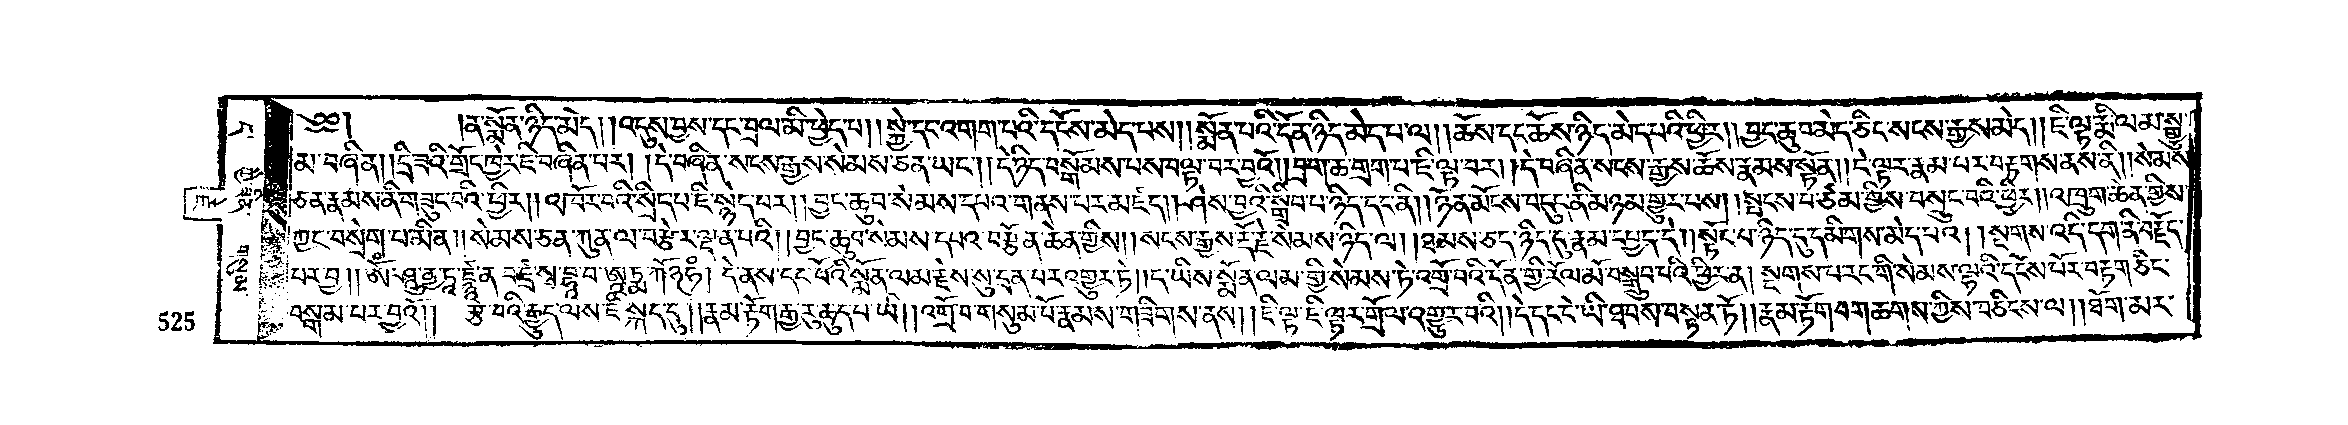༄༅། །ན་སྨོན་ཉིད་མེད། །འདུས་བྱས་དང་བྲལ་མི་ཕྱེད་པ། །སྐྱེ་དང་འགག་པའི་དངོས་མེད་པས། །སྨོན་པའི་དོན་ཉིད་མེད་པ་ལ། །ཆོས་དང་ཆོས་ཉིད་མེད་པའི་ཕྱིར། །བྱང་ཆུབ་མེད་ཅིང་སངས་རྒྱས་མེད། །ཇི་ལྟ་རྨི་ལམ་སྒྱུ་
མ་བཞིན། །དྲི་ཟའི་གྲོང་ཁྱེར་ཇི་བཞིན་པར། །དེ་བཞིན་སངས་རྒྱས་སེམས་ཅན་ཡང་། །དེ་ཉིད་བསྒོམས་པས་བལྟ་བར་བྱའོ། །བྲག་ཆ་གྲག་པ་ཇི་ལྟ་བར། །དེ་བཞིན་སངས་རྒྱས་ཆོས་རྣམས་སྟོན། །དེ་ལྟར་རྣམ་པར་བརྟགས་ནས་ནི། །སེམས་
ཅན་རྣམས་ནི་གཟུང་བའི་ཕྱིར། །འཁོར་བའི་སྲིད་པ་ཇི་སྙེད་པར། །བྱང་ཆུབ་སེམས་དཔའ་གནས་པར་མཛད། །ཤེས་བྱའི་སྒྲིབ་པ་ཉིད་དང་ནི། །ཉོན་མོངས་བདུད་ནི་མཉམ་གྱུར་པས། །སྤངས་པ་ཙམ་གྱིས་བསྲུང་བའི་ཕྱིར། །འཁྲུག་ཆེན་གྱིས་
ཀྱང་བསྲེག་པ་མིན། །སེམས་ཅན་ཀུན་ལ་བརྩེར་ལྡན་པའི། །བྱང་ཆུབ་སེམས་དཔའ་བརྩོན་ཆེན་གྱིས། །སངས་རྒྱས་རྡོ་རྗེ་སེམས་ཉིད་ལ། །ཐམས་ཅད་ཉིད་དུ་རྣམ་དཔྱད་དེ། །སྟོང་པ་ཉིད་དུ་དམིགས་མེད་པའི། །སྔགས་འདི་དག་ནི་བརྗོད་
པར་བྱ། །ཨོཾ་ཤཱུ་ཉ་ཏཱ་ཛྙཱ་ན་བཛྲ་སྭ་བྷཱ་བ་ཨཱཏྨ་ཀོ་ཉཧཾ། དེ་ནས་དང་པོའི་སྨོན་ལམ་རྗེས་སུ་དྲན་པར་འགྱུར་ཏེ། །དེ་ཡིས་སྨོན་ལམ་གྱི་སེམས་ཏེ་འགྲོ་བའི་དོན་གྱི་རོལ་མོ་བསྒྲུབ་པའི་ཕྱིར་ན། སྔགས་པ་རང་གི་སེམས་ལྷའི་དངོས་པོར་བརྟག་ཅིང་བསྒོམ་པར་བྱའོ། །རྩ་བའི་རྒྱུད་ལས་ཇི་སྐད་དུ། །རྣམ་རྟོག་རྒྱ་རུ་ཆུད་པ་ཡི། །འགྲོ་བ་གསུམ་པོ་རྣམས་གཟིགས་ནས། །ཇི་ལྟ་ཇི་ལྟར་གྲོལ་འགྱུར་བའི། །དེ་དང་དེ་ཡི་ཐབས་བསྟན་ཏོ། །རྣམ་རྟོག་བག་ཆགས་ཀྱིས་བཅིངས་ལ། །ཐོག་མར་